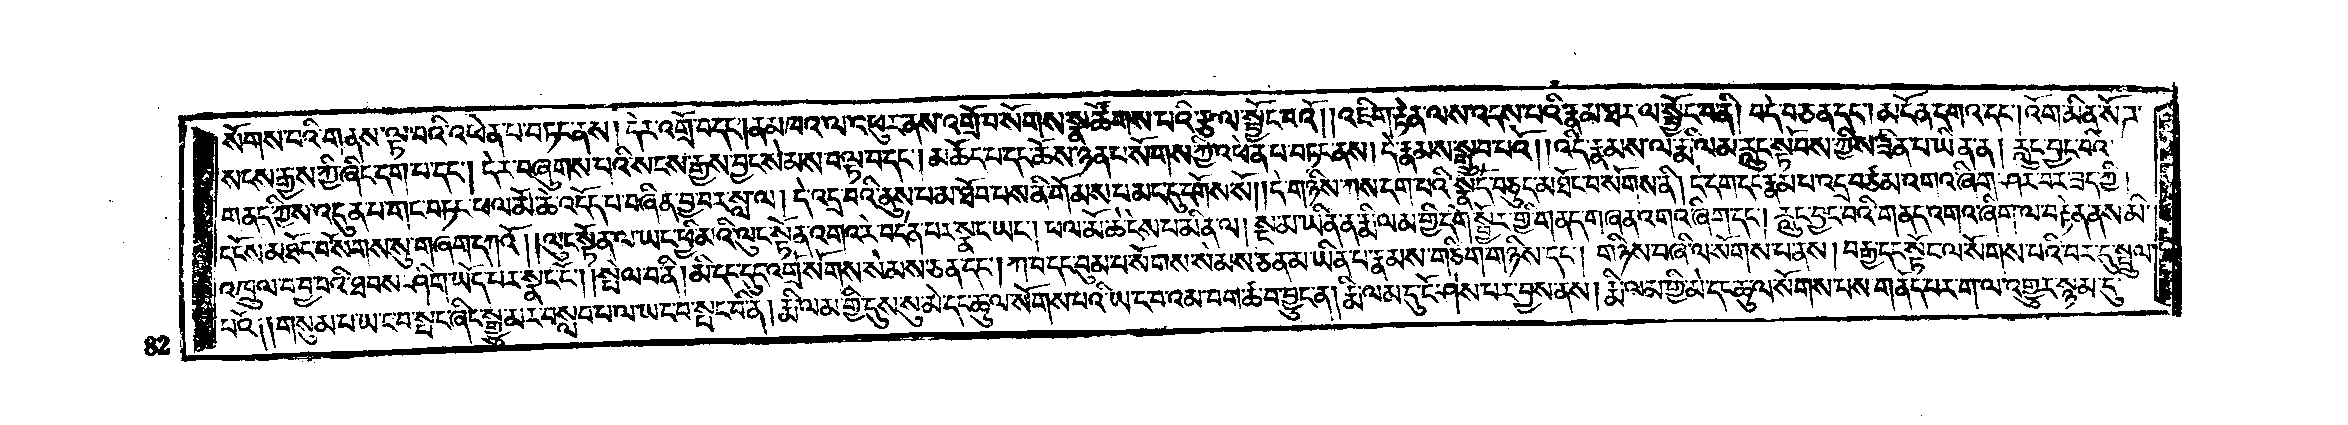སོགས་པའི་གནས་ལྟ་བའི་འཕེན་པ་བཏང་ནས། དེར་འགྲོ་བ་དང་། ནམ་མཁའ་ལ་འཕུར་ནས་འགྲོ་བ་སོགས་སྣ་ཚོགས་པའི་རྩལ་སྦྱོང་བའོ། །འཇིག་རྟེན་ལས་འདས་པའི་རྣམ་ཐར་ལ་སྦྱོང་བ་ནི། བདེ་བ་ཅན་དང་། མངོན་དགའ་དང་། འོག་མིན་སོགས་
སངས་རྒྱས་ཀྱི་ཞིང་དག་པ་དང་། དེར་བཞུགས་པའི་སངས་རྒྱས་བྱང་སེམས་བལྟ་བ་དང་། མཆོད་པ་དང་ཆོས་ཉན་པ་སོགས་ཀྱི་འཕེན་པ་བཏང་ནས། དེ་རྣམས་སྒྲུབ་པའོ། །འདི་རྣམས་ལ་རྨི་ལམ་རླུང་སྟོབས་ཀྱིས་ཟིན་པ་ཡིན་ན། རླུང་བྱང་བའི་
གནད་ཀྱིས་འདུན་པ་གང་བཏང་ཕལ་མོ་ཆེ་འདོད་པ་བཞིན་བྱ་བར་སླ་ལ། དེ་འདྲ་བའི་ནུས་པ་མ་ཐོབ་པས་ནི་གོམས་པ་མང་དུ་དགོས་སོ། །དེ་གཉིས་ཀས་དག་པའི་སྣོད་བཅུད་མཐོང་བ་སོགས་ནི། དེ་དག་དང་རྣམ་པ་འདྲ་བ་ཙམ་འགའ་ཞིག་ཤར་བར་ཟད་ཀྱི།
དངོས་མཐོང་བ་སོགས་སུ་གཞག་དཀའོ། །ལུང་སྟོན་ལ་ཡང་ཕྱི་མའི་ལུང་སྟོན་འགའ་རེ་བདེན་པར་སྣང་ཡང་། ཕལ་མོ་ཆེ་ངེས་པ་མིན་ལ། སྔ་མ་ཡིན་ན་རྨི་ལམ་གྱི་དགེ་སྦྱོར་གྱི་གནད་གཞན་འགའ་ཞིག་དང་། རླུང་བྱང་བའི་གནད་འགའ་ཞིག་ལ་བརྟེན་ནས་མི་
འཁྲུལ་བ་བྱ་བའི་ཐབས་ཤིག་ཡོད་པར་སྣང་ངོ། །སྤེལ་བ་ནི། མི་དང་དུད་འགྲོ་སོགས་སེམས་ཅན་དང་། ཀ་བ་དང་བུམ་པ་སོགས་སེམས་ཅན་མ་ཡིན་པ་རྣམས་གཅིག་གཉིས་དང་། གཉིས་བཞི་ལ་སོགས་པ་ནས། བརྒྱ་དང་སྟོང་ལ་སོགས་པའི་བར་དུ་སྤྲུལ་
པའོ། །གསུམ་པ་ཡ་ང་བ་སྤང་ཞིང་སྒྱུ་མར་བསླབ་པ་ལ་ཡ་ང་བ་སྤང་བ་ནི། རྨི་ལམ་གྱི་དུས་སུ་མེ་དང་ཆུ་ལ་སོགས་པའི་ཡ་ང་བ་འམ་བག་ཚ་བ་བྱུང་ན། རྨི་ལམ་དུ་ངོ་ཤེས་པར་བྱས་ནས། རྨི་ལམ་གྱི་མེ་དང་ཆུ་ལ་སོགས་པས་གནོད་པར་ག་ལ་འགྱུར་སྙམ་དུ་